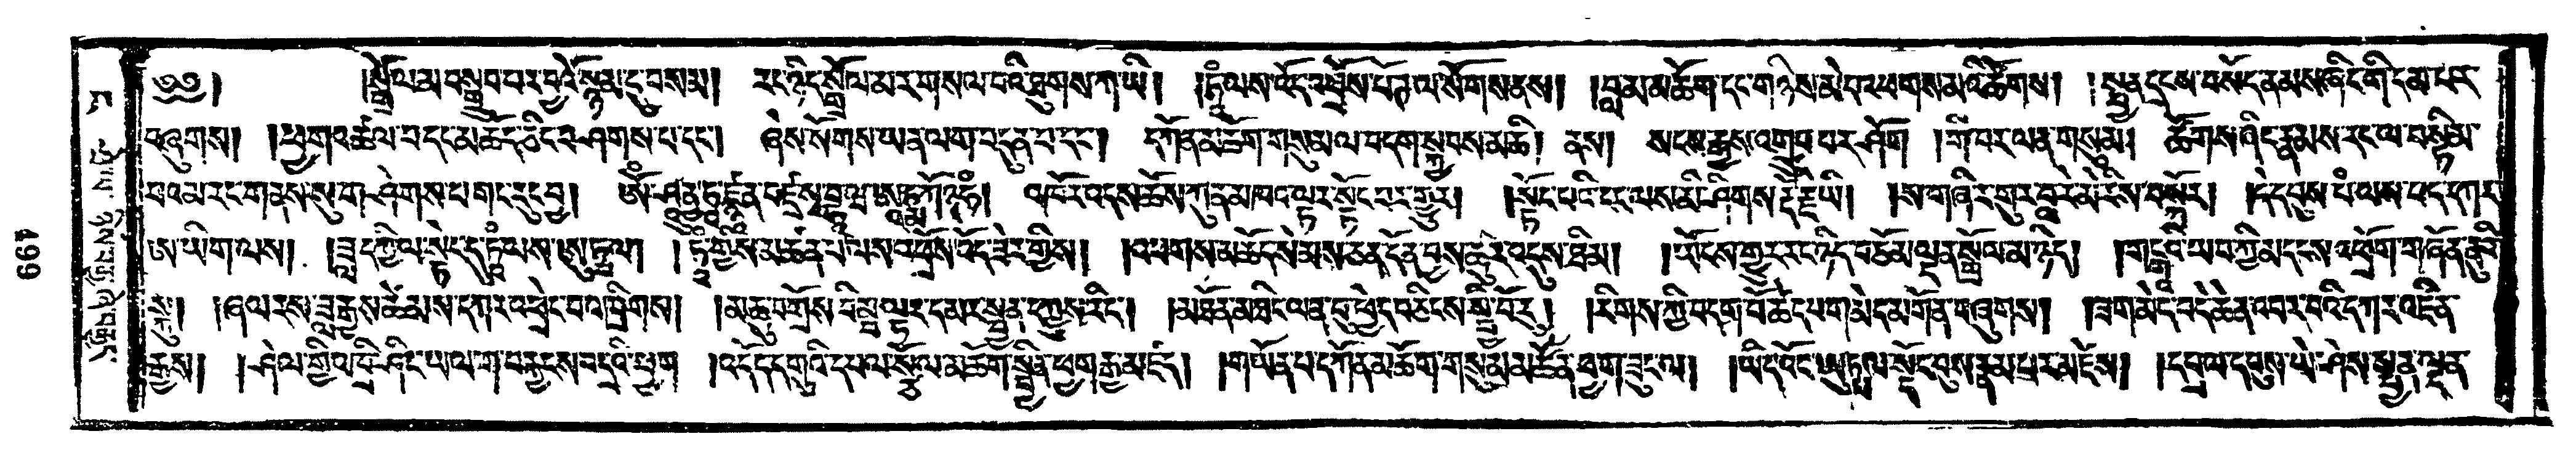༄༅། །སྒྲོལ་མ་བསྒྲུབ་པར་བྱའོ་སྙམ་དུ་བསམ། རང་ཉིད་སྒྲོལ་མར་གསལ་བའི་ཐུགས་ཀ་ཡི། །ཏཱཾ་ལས་འོད་འཕྲོས་པོཊ་ལ་སོགས་ནས། །བླ་མ་མཆོག་དང་གཉིས་མེད་འཕགས་མའི་ཚོགས། །སྤྱན་དྲངས་བསོད་ནམས་ཞིང་གི་དམ་པར་
བཞུགས། །ཕྱག་འཚལ་བ་དང་མཆོད་ཅིང་བཤགས་པ་དང་། ཞེས་སོགས་ཡན་ལག་བདུན་པ་དང་། དཀོན་མཆོག་གསུམ་ལ་བདག་སྐྱབས་མཆི། ནས། སངས་རྒྱས་འགྲུབ་པར་ཤོག །གི་བར་ལན་གསུམ། ཚོགས་ཞིང་རྣམས་རང་ལ་བསྟིམ་
བའམ་རང་གནས་སུ་གཤེགས་པ་གང་རུང་བྱ། ཨོཾ་ཤཱུནྱ་ཏཱ་ཛྙཱ་ན་བཛྲ་སྭ་བྷཱ་ཝ་ཨཱཏྨ་ཀོཉཧཾ། འཁོར་འདས་ཆོས་ཀུན་མཁའ་ལྟར་སྟོང་པར་གྱུར། །སྟོང་པའི་ངང་ལས་མི་ཤིགས་རྡོ་རྗེ་ཡི། །ས་གཞིར་གུར་བླ་རེ་མེ་རིས་བསྐོར། །དེ་དབུས་པཾ་ལས་པད་དཀར་
ཨ་ཡིག་ལས། །ཟླ་དཀྱིལ་སྟེང་དུ་ཏཱཾ་ལས་ཨུཏྤལ། །ཏཱཾ་གྱིས་མཚན་པ་ལས་འཕྲོས་འོད་ཟེར་གྱིས། །འཕགས་མཆོད་སེམས་ཅན་དོན་བྱས་ཚུར་འདུས་ཐིམ། །ཡོངས་གྱུར་རང་ཉིད་བཅོམ་ལྡན་སྒྲོལ་མ་ཉིད། །གངྒའི་ཡབ་ཀྱི་མདངས་འཕྲོག་གཞོན་ནུའི་
སྐུ། །ཞལ་རས་ཟླ་རྒྱས་ཚེམས་དཀར་འཕྲེང་བ་འཁྲིགས། །མཆུ་བགྲོས་བི་མྦ་ལྟར་དམར་སྦྱན་དཀྱུས་རིང་། །མཐོན་མཐིང་ལན་བུ་ཕྱེད་བཅིངས་སྤྱི་བོ་རུ། །རིགས་ཀྱི་བདག་པོ་ཚེ་དཔག་མེད་མགོན་བཞུགས། །ཟག་མེད་བདེ་ཆེན་འབར་བའི་དཀར་འཛིན་
རྒྱས། །ཤེལ་གྱི་འཁྲི་ཤིང་ཡལ་ག་བརྐྱངས་འདྲའི་ཕྱག །འདོད་དགུའི་དཔལ་སྩོལ་མཆོག་སྦྱིན་ཕྱག་རྒྱ་མཛད། །གཡོན་པ་དཀོན་མཆོག་གསུམ་མཚོན་ཕྱག་ཟུང་ལ། །ཡིད་འོང་ཨུཏྤལ་སྡོང་བུས་རྣམ་པར་མཛེས། །དབྲལ་དབུས་ཡེ་ཤེས་སྦྱན་ལྡན་